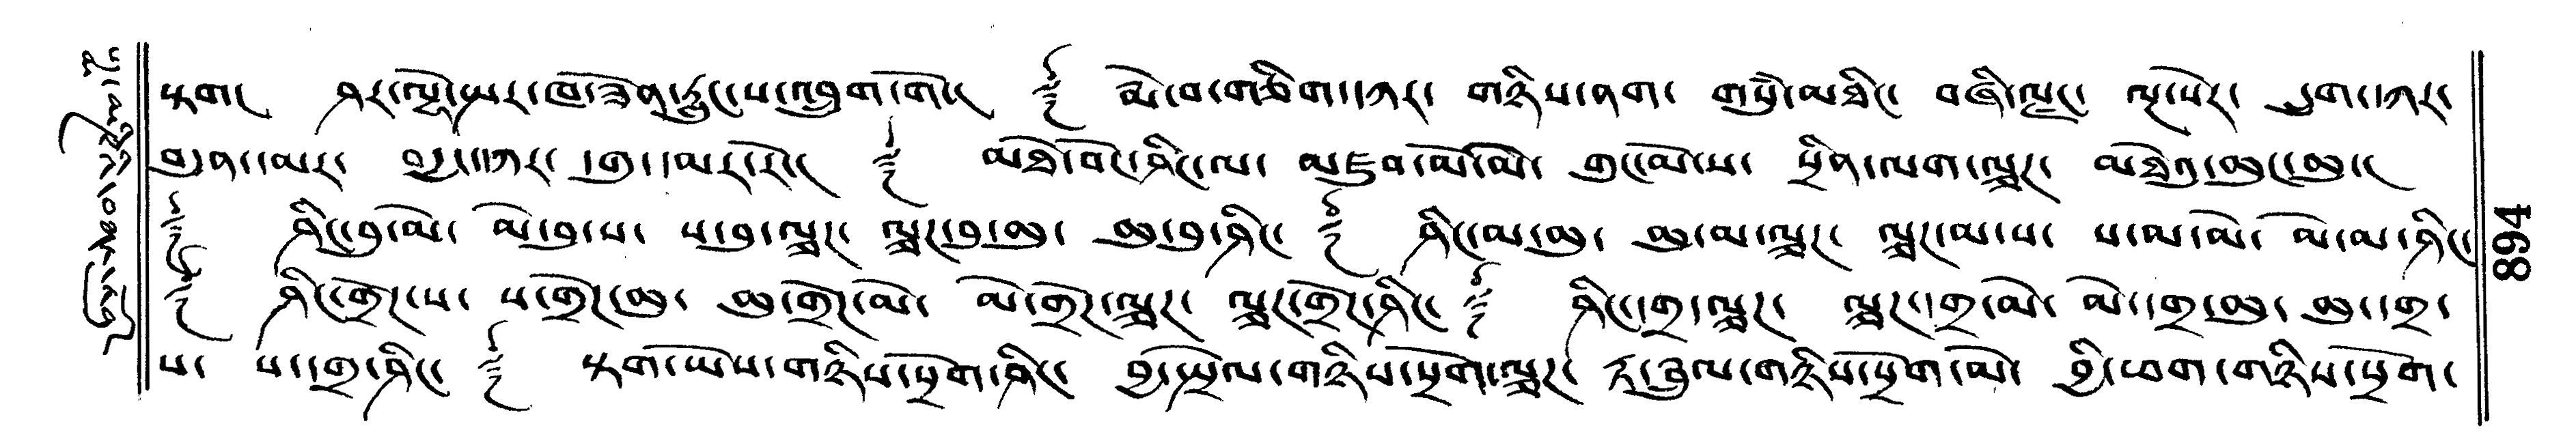སྟག །ཤར་ལྷོ་སྤར་ཁ་ཟོན་རླུང་ས་འབྲུག་གོ ༈ སྨེ་བ་གཅིག་དཀར། གཉིས་ནག གསུམ་མཐིང་། བཞི་ལྗང་། སྔ་སེར། དྲུག་དཀར། 
བདུན་དམར། བརྒྱད་དཀར། དགུ་དམར་རོ། ༈ མཐེ་བོང་ཤིང་ལ། མཛུབ་མོ་མེ། གུང་མོ་ས། སྲིན་ལག་ལྕགས། མཐེའུ་ཆུང་ཆུ། 
༈ ཤིང་བུ་མེ། མེ་བུ་ས། ས་བུ་ལྕགས། ལྕགས་བུ་ཆུ། ཆུ་བུ་ཤིང་། ༈ ཤིང་མ་ཆུ། ཆུ་མ་ལྕགས། ལྕགས་མ་ས། ས་མ་མེ། མེ་མ་ཤིང་། 
༈ ཤིང་གྲོགས་ས། ས་གྲོགས་ཆུ། ཆུ་གྲོགས་མེ། མེ་གྲོགས་ལྕགས། ལྕགས་གྲོགས་ཤིང་། ༈ ཤིང་དགྲ་ལྕགས། ལྕགས་དགྲ་མེ། མེ་དགྲ་ཆུ། ཆུ་དགྲ་
ས། ས་དགྲ་ཤིང་། ༈ སྟག་ཡོས་གཉིས་སྲོག་ཤིང་། བྱ་སྤྲེལ་གཉིས་སྲོག་ལྕགས། རྟ་སྦྲུལ་གཉིས་སྲོག་མེ། བྱི་ཕག་གཉིས་སྲོག